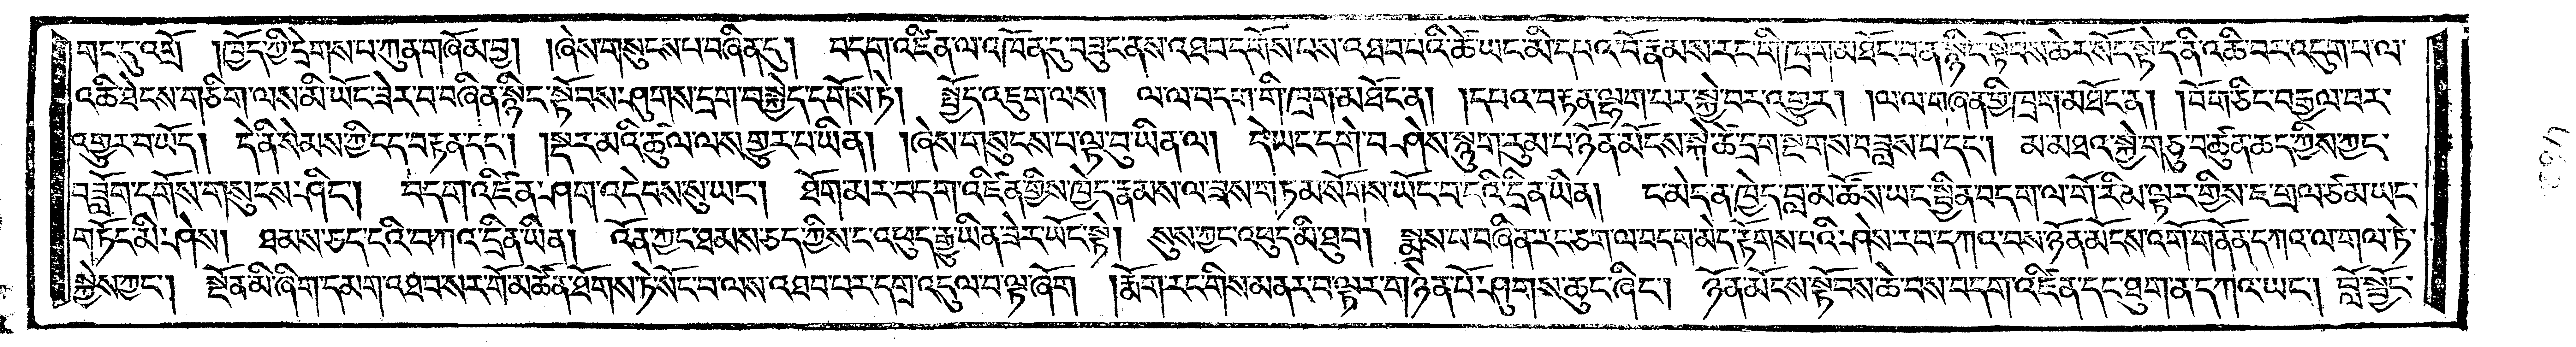གང་དུ་འགྲོ། །ཁྱོད་ཀྱི་དྲེགས་པ་ཀུན་གཞོམ་བྱ། །ཞེས་གསུངས་པ་བཞིན་དུ། བདག་འཛིན་ལ་འཁོན་དུ་བཟུང་ནས་འཐབ་དགོས་པས་འཐབ་པའི་ཚེ་ཡང་མི་དཔའ་བོ་རྣམས་རང་གི་ཁྲག་མཐོང་བ་ན་སྙིང་སྟོབས་ཆེར་སོང་སྟེ་ད་ནི་འཆི་བར་འདུག་པ་ལ་
འཆི་ཐེངས་གཅིག་ལས་མི་ཡོང་ཟེར་བ་བཞིན་སྙིང་སྟོབས་ཤུགས་དྲག་བསྐྱེད་དགོས་ཏེ། སྤྱོད་འཇུག་ལས། ལ་ལ་བདག་གི་ཁྲག་མཐོང་ན། །དཔའ་བརྟན་ལྷག་པར་སྐྱེ་བར་འགྱུར། །ལ་ལ་གཞན་གྱི་ཁྲག་མཐོང་ན། །བོག་ཅིང་བརྒྱལ་བར་
འགྱུར་བ་ཡོད། དེ་ནི་སེམས་ཀྱི་ངད་བརྟན་དང་། །སྔར་མའི་ཚུལ་ལས་གྱུར་པ་ཡིན། །ཞེས་གསུངས་པ་ལྟ་ཡིན་ལ། དེ་ཡང་དགེ་བ་ཤེས་སྙུག་རུམ་པ་ཉོན་མོངས་སྐྱེ་ཚེ་དྲག་སྔགས་བཟླས་པ་དང་། མ་མཐའ་སྐྱེ་གཅུ་བ་ཚུན་ཆད་ཀྱིས་ཀྱང་
བཟློག་དགོས་གསུངས་ཤིང་། བདག་འཛིན་ཤག་འདེབས་སུ་ཡང་། ཐོག་མར་བདག་འཛིན་གྱིས་ཁྱེད་རྣམས་ལ་ཟས་གཏམ་སོགས་ཡོང་བ་ངའི་དྲིན་ཡིན། ང་མེད་ན་ཁྱེད་བླ་མ་ཚོས་ཡང་སྦྱིན་བདག་ལ་གོ་རིམ་ལྟར་གྱིས་ཇི་གྲལ་ཙམ་ཡང་
གཏོང་མི་ཤེས། ཐམས་ཅད་ངའི་བཀའ་དྲིན་ཡིན། འོན་ཀྱང་ཐམས་ཅད་ཀྱིས་ང་འཕུད་རྒྱུ་ཡིན་ཟེར་ཡོང་སྟེ། སུས་ཀྱང་འཕུད་མི་ཐུབ། སྨྲས་པ་བཞིན་རང་ཅག་ལ་བདག་མེད་རྟོགས་པའི་ཤེས་རབ་དཀའ་བས་ཉོན་མོངས་འགོག་གནོན་དཀའ་ལ་གལ་ཏེ་
སྐྱེས་ཀྱང་། སྔོན་མི་ཞིག་དམག་འཐབས་ར་གོ་མཚོན་ཐོགས་ཏེ་སོང་བ་ལས་འཐབ་པར་དགྲ་འདུལ་བ་ལྟ་ཞོག །རྨོག་རང་གིས་མནར་བ་ལྟར་གཉེན་པོ་ཤུགས་ཆུང་ཞིང་། ཉོན་མོངས་སྟོབས་ཆེ་བས་བདག་འཛིན་དང་ཐུག་ན་དཀའ་ཡང་། བློ་སྦྱོང་